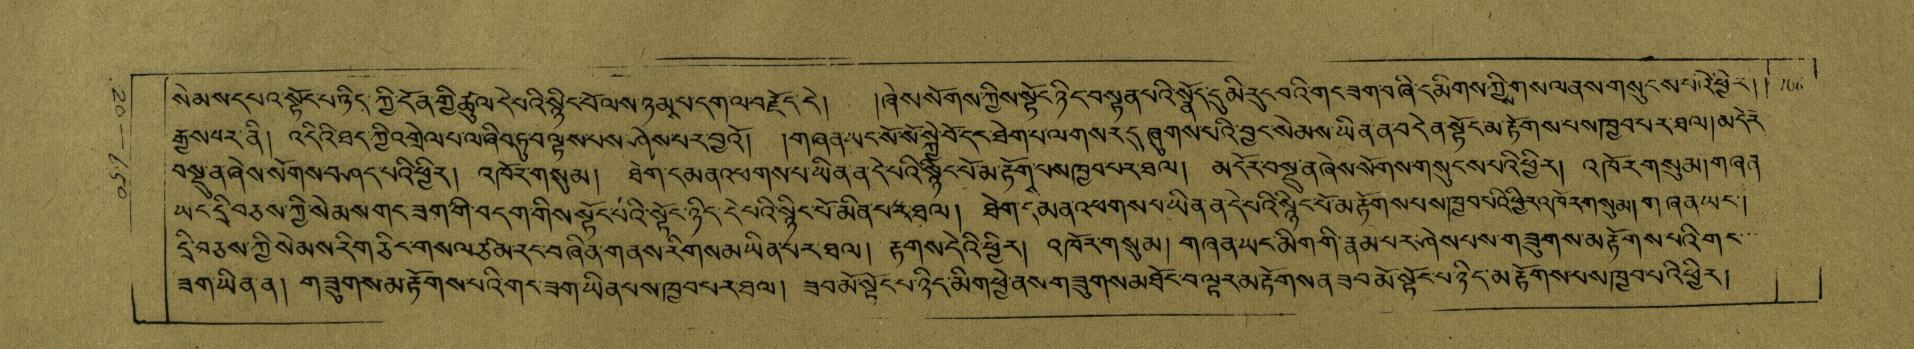སེམས་དཔའ་སྟོང་པ་ཉིད་ཀྱི་དོན་གྱི་ཚུལ་དེ་པའི་སྙིང་པོ་ལས་ཉམས་པ་དག་ལ་བརྗོད་དེ། །ཞེས་སོགས་ཀྱིས་སྟོང་ཉིད་བསྟན་པའི་སྣོད་དུ་མི་རུང་བའི་གང་ཟག་བཞི་དམིགས་ཀྱིས་གསལ་ནས་གསུངས་པའི་ཕྱིར། །
རྒྱས་པར་ནི། འདིའི་ཐད་ཀྱི་འགྲེལ་པ་ལ་ཞིབ་ཏུ་བལྟས་པས་ཤེས་པར་བྱའོ། །གཞན་ཡང་སོ་སོ་སྐྱེ་བོ་དང་ཐེག་པ་ལ་གསར་དུ་ཞུགས་པའི་བྱང་སེམས་ཡིན་ན་བདེན་སྟོང་མ་རྟོགས་པས་ཁྱབ་པར་ཐལ། མདོར་
བསྡུ་ན་ཞེས་སོགས་བཤད་པའི་ཕྱིར། འཁོར་གསུམ། ཐེག་དམན་འཕགས་པ་ཡིན་ན་དེ་པའི་སྙིང་པོ་མ་རྟོགས་པས་ཁྱབ་པར་ཐལ། མདོར་བསྡུ་ན་ཞེས་སོགས་གསུངས་པའི་ཕྱིར། འཁོར་གསུམ། གཞན་
ཡང་དྲི་བཅས་ཀྱི་སེམས་གང་ཟག་གི་བདག་གིས་སྟོང་པའི་སྟོང་ཉིད་དེ་པའི་སྙིང་པོ་མིན་པར་ཐལ། ཐེག་དམན་འཕགས་པ་ཡིན་ན་དེ་པའི་སྙིང་པོ་མ་རྟོགས་པས་ཁྱབ་པའི་ཕྱིར་འཁོར་གསུམ། གཞན་ཡང་།
དྲི་བཅས་ཀྱི་སེམས་རིག་ཅིང་གསལ་ཙམ་རང་བཞིན་གནས་རིགས་མ་ཡིན་པར་ཐལ། རྟགས་དེའི་ཕྱིར། འཁོར་གསུམ། གཞན་ཡང་མིག་གི་རྣམ་པར་ཤེས་པས་གཟུགས་མ་རྟོགས་པའི་གང་
ཟག་ཡིན་ན། གཟུགས་མ་རྟོགས་པའི་གང་ཟག་ཡིན་པས་ཁྱབ་པར་ཐལ། ཟབ་མོ་སྟོང་པ་ཉིད་མིག་ཕྱེ་ནས་གཟུགས་མཐོང་བ་ལྟར་མ་རྟོགས་ན་ཟབ་མོ་སྟོང་པ་ཉིད་མ་རྟོགས་པས་ཁྱབ་པའི་ཕྱིར།